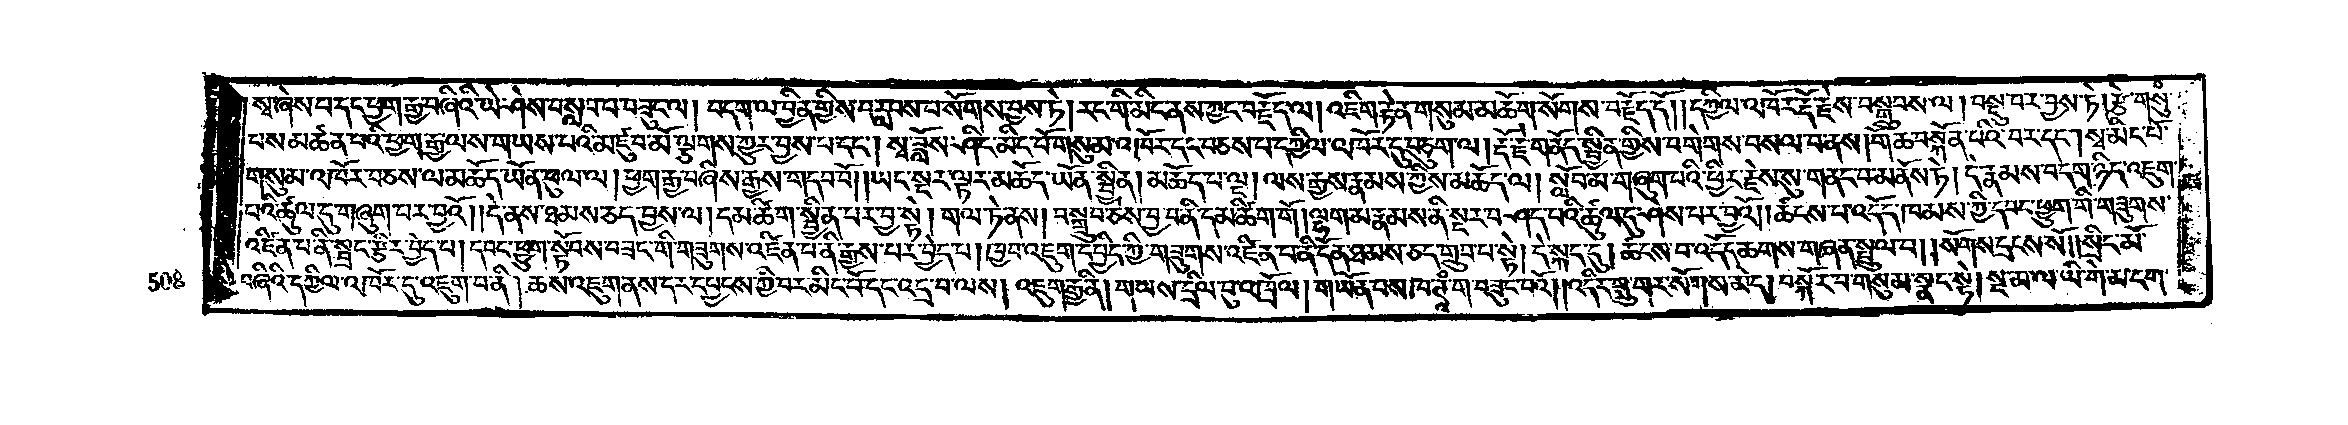སྭ་ཞེས་པ་དང་ཕྱག་རྒྱ་བཞིའི་ཡེ་ཤེས་བསླབ་པ་བཟུང་ལ། བདག་ལ་བྱིན་གྱིས་བརླབས་པ་སོགས་བྱས་ཏེ། རང་གི་མིང་ནས་ཀྱང་བརྗོད་ལ། འཇིག་རྟེན་གསུམ་མཆོག་སོགས་བརྗོད་དོ། །དཀྱིལ་འཁོར་རྡོ་རྗེས་བསྒྲུབས་ལ། བསྡུ་བར་བྱས་ཏེ། རྩེ་གསུམ་
པས་མཚན་པའི་ཕྱག་རྒྱ་ལས་གཡས་པའི་མཛུབ་མོ་ལྕགས་ཀྱུར་བྱས་པ་དང་། སྭ་ཟློས་ཤིང་མིང་པོ་གསུམ་འཁོར་དང་བཅས་པ་དཀྱིལ་འཁོར་དུ་བཅུག་ལ། རྡོ་རྗེ་གནོད་སྦྱིན་གྱིས་བགེགས་བསལ་བ་ནས། གོ་ཆ་བསྐོན་པའི་བར་དང་། སྭ་མིང་པོ་
གསུམ་འཁོར་བཅས་ལ་མཆོད་ཡོན་ཕུལ་ལ། ཕྱག་རྒྱ་བཞིས་རྒྱས་གདབ་བོ། །ཡང་སྔར་ལྟར་མཆོད་ཡོན་སྦྱིན། མཆོད་པ་ལྔ། ལས་རྒྱས་རྣམས་ཀྱིས་མཆོད་ལ། སློབ་མ་གཞུག་པའི་ཕྱིར་རྗེས་སུ་གནང་བ་མ་ནོས་ཏེ། དེ་རྣམས་བདག་ཉིད་འཇུག་
པའི་ཚུལ་དུ་གཞུག་པར་བྱའོ། །དེ་ནས་ཐམས་ཅད་བྱས་ལ། དམ་ཚིག་སྦྱིན་པར་བྱ་སྟེ། གལ་ཏེ་ནས། བསྒྲུབ་ཅེས་བྱ་བ་ནི་དམ་ཚིག་གོ །ལྷག་མ་རྣམས་ནི་སྔར་བཤད་པའི་ཚུལ་དུ་ཤེས་པར་བྱའོ། །ཚངས་པ་འདོད་ཁམས་ཀྱི་དབང་ཕྱུག་གི་གཟུགས་
འཛིན་པ་ནི་སྦྲང་རྩིར་བྱེད་པ། དབང་ཕྱུག་སྟོབས་བཟང་གི་གཟུགས་འཛིན་པ་ནི་རྒྱས་པར་བྱེད་པ། ཁྱབ་འཇུག་དཔྱིད་ཀྱི་གཟུགས་འཛིན་པ་ནི་དོན་ཐམས་ཅད་གྲུབ་པ་སྟེ། དེ་སྐད་དུ། ཚང་པ་འདོད་ཆགས་གཞན་སྤྲུལ་པ། །སོགས་དྲངས་སོ། སྲིང་མོ་
བཞིའི་དཀྱིལ་འཁོར་དུ་འཇུག་པ་ནི། ཆས་འཇུག་ནས་དར་དབྱངས་ཀྱི་བར་མིང་པོ་དང་འདྲ་བ་ལས། འཇུག་རྒྱ་ནི། གཡས་དྲིལ་བུ་འཁྲོལ། གཡོན་པས་ཁ་ཊཱཾ་ག་བཟུང་བའོ། །འདིར་གླུ་གར་སོགས་མེད། བསྐོར་བ་གསུམ་སྣང་སྟེ། སྔ་མ་ལ་ཡི་གེ་མ་དག་